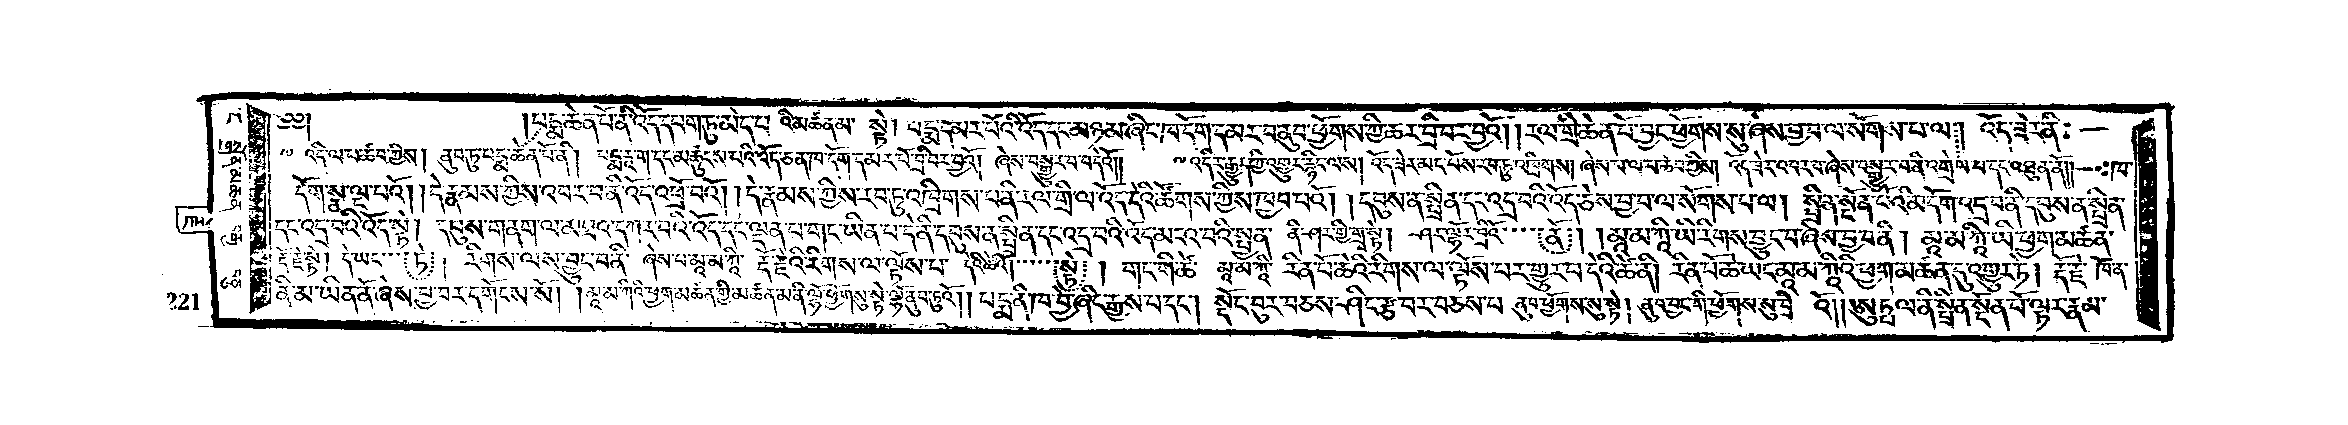༄༅། །པདམ་ཆེན་པོ་ནི་འོད་དཔག་ཏུ་མེད་པའི་མཚན་མ་སྟེ། པདམ་དམར་པོའི་འོད་དང་མཉམ་ཞིང་ཁ་དོག་དམར་བ་ནུབ་ཕྱོགས་ཀྱི་ཆར་བྲི་བར་བྱའོ། །རལ་གྲི་ཆེན་པོ་བྱང་ཕྱོགས་སུ་ཞེས་བྱ་བ་ལ་སོགས་པ་ལ། འོད་ཟེར་ནི་H.
༧འདི་ལ་པ་ཚབ་ཀྱིས། ནུབ་ཏུ་པདམ་ཆེན་པོ་ནི། པདམ་རཱ་ག་དང་མཚུངས་པའི་འོད་ཅན་ཁ་དོག་དམར་པོ་བྲི་བར་བྱའོ། ཞེས་བསྒྱུར་བ་བདེའོ།། ༧འདིར་རྒྱུད་ཀྱི་འགྱུར་རྙིང་ལས། འོད་ཟེར་མང་པོས་རབ་ཏུ་འཁྲིགས། ཞེས་པ་ལ་པ་ཚབ་ཀྱིས། འོད་ཟེར་འབར་བ་ཞེས་བསྒྱུར་བ་ནི་འགྲེལ་པ་དང་འཐུན་ནོ།།  .H ཁ་
དོག་སྣ་ལྔ་པའོ། །དེ་རྣམས་ཀྱིས་འབར་བ་ནི་འོད་འཕྲོ་བའོ། །དེ་རྣམས་ཀྱིས་རབ་ཏུ་འཁྲིགས་པ་ནི་རལ་གྲི་ལ་འོད་དེའི་ཚོགས་ཀྱིས་ཁྱབ་པའོ། །དབུས་ན་སྤྲིན་དང་འདྲ་བའི་འོད་ཅེས་བྱ་བ་ལ་སོགས་པ་ལ། སྤྲིན་སྔོན་པོའི་མདོག་འདྲ་བ་ནི་དབུས་ན་སྤྲིན་
དང་འདྲ་བའི་འོད་སྟེ། དབུས་གནག་ལ་མཐའ་དཀར་བའི་འོད་དང་ལྡན་པ་གང་ཡིན་པ་དེ་ནི་དབུས་ན་སྤྲིན་དང་འདྲ་བའི་འོད་མངའ་བའི་སྤྱན་ནི་ཤར་གྱི་གྲྭ་སྟེ། ཤར་ལྷོར་བྲིའོ་ནོ། །མཱ་མ་ཀཱི་ཡི་རིགས་བྱུང་བ་ཞེས་བྱ་བ་ནི། མཱ་མ་ཀཱི་ཡི་ཕྱག་མཚན་
རྡོ་རྗེ་སྟེ། དེ་ཡང་ཏེ། རིགས་ལས་བྱུང་བ་ནི་ཞེས་པ་མཱ་མ་ཀཱི་རྡོ་རྗེའི་རིགས་ལ་ལྟོས་པ་དེའི་ཚེའོ།  སྟེ། གང་གི་ཚེ་མཱ་མ་ཀཱི་རིན་པོ་ཆེའི་རིགས་ལ་ལྟོས་པར་གྱུར་པ་དེའི་ཚེ་ནི། རིན་པོ་ཆེ་ཡང་མཱ་མ་ཀཱིའི་ཕྱག་མཚན་དུ་འགྱུར་ཏེ། རྡོ་རྗེ་ཁོ་ན
ནི་མ་ཡིན་ནོ་ཞེས་བྱ་བར་དགོངས་སོ། ། མཱ་མ་ཀིའི་ཕྱག་མཚན་གྱི་མཚན་མ་ནི་ལྷོ་ཕྱོགས་སུ་སྟེ་ལྷོ་ནུབ་ཏུའོ། །པདམ་ནི་ཁ་བྱེ་ཞིང་རྒྱས་པ་དང་། སྡོང་བུར་བཅས་ཤིང་རྩ་བར་བཅས་པ་ནུབ་ཕྱོགས་སུ་སྟེ། ནུབ་བྱང་གི་ཕྱོགས་སུ་བྲིའོ།  །ཨུཏྤལ་ནི་སྤྲིན་སྔོན་པོ་ལྟར་རྣམ་